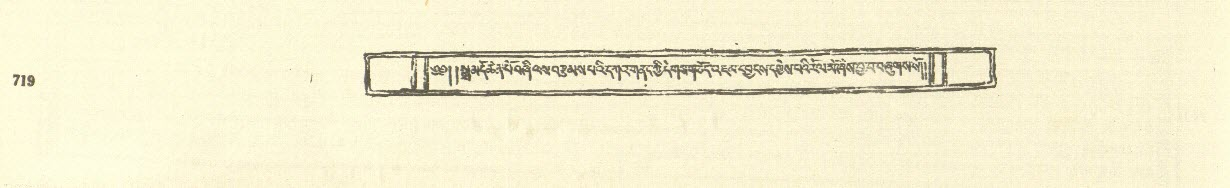༄༅། །སྒྲ་མདོ་ཆེན་པོ་བཞི་ལས་བརྩམས་པའི་དཀའ་གནད་ཀྱི་དོགས་གཅོད་འཇམ་དབྱངས་དགྱེས་པའི་རོལ་མོ་ཞེས་བྱ་བ་བཞུགས་སོ། །